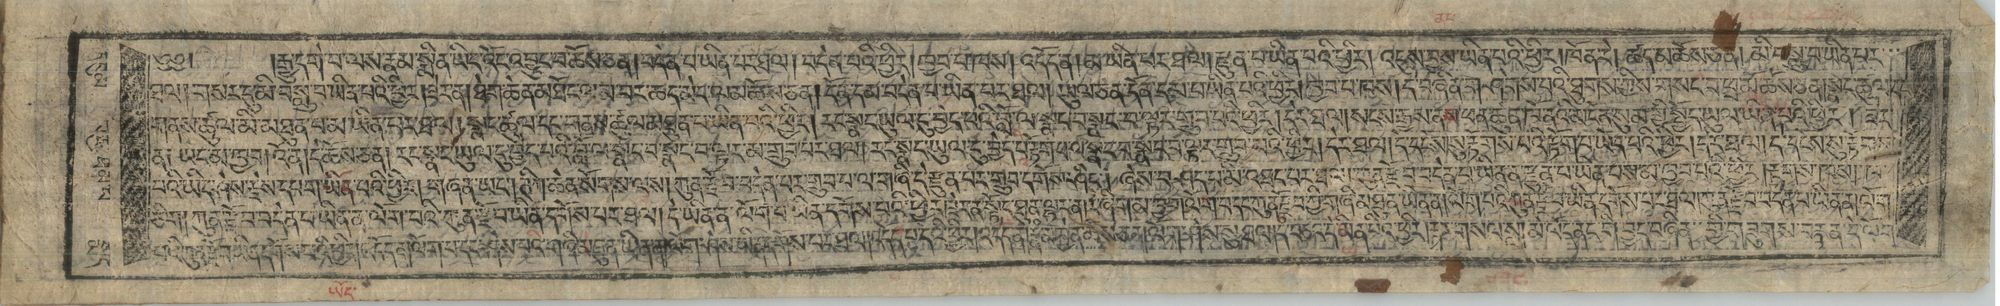༄༅། །རྒྱུ་དགེ་བ་ལས་རྣམ་སྨིན་ཡིད་འོང་འབྱུང་བ་ཆོས་ཅན། བདེན་པ་ཡིན་པར་ཐལ། བདེན་པའི་ཕྱིར། ཁྱབ་པ་ཁས། འདོད་ན། མ་ཡིན་པར་ཐལ། རྫུན་པ་ཡིན་པའི་ཕྱིར། འདུས་བྱས་ཡིན་པའི་ཕྱིར། ཁོ་ན་རེ། ཚད་མ་ཆོས་ཅན། མི་བསླུ་བ་ཡིན་པར་
ཐལ། གསར་དུ་མི་བསླུ་བ་ཡིན་པའི་ཕྱིར། ཟེར་ན། ཐེག་ཆེན་མཐོང་ལམ་བར་ཆད་མེད་ལམ་ཆོས་ཅན། དོན་དམ་བདེན་པ་ཡིན་པར་ཐལ། ཡུལ་ཅན་དོན་དམ་པ་ཡིན་པའི་ཕྱིར། ཁྱབ་པ་ཁས། དེ་བཞིན་གཤེགས་པའི་ཐུགས་ཀྱིས་གསང་བ་ཕྲ་མོ་ཆོས་ཅན། སྣང་ཚུལ་དང་
གནས་ཚུལ་མི་མཐུན་པ་མ་ཡིན་པར་ཐལ། སྣང་ཚུལ་དང་གནས་ཚུལ་མཐུན་པར་ཡིན་པའི་ཕྱིར། རང་སྣང་ཡུལ་དུ་བྱེད་པའི་བློ་ལ་སྣང་བ་སྣང་བ་ལྟར་གྲུབ་པའི་ཕྱིར། དེར་ཐལ། སངས་རྒྱས་ནང་ཕན་ཚུན་ཁོ་ནའི་མངོན་སུམ་གྱི་སྤྱོད་ཡུལ་ཡིན་པའི་ཕྱིར། ཟེར་
ན༑ ཡང་མ་ཁྱབ། འོ་ན། དེ་ཆོས་ཅན། རང་སྣང་ཡུལ་དུ་བྱེད་པའི་བློ་ལ་སྣང་བ་སྣང་བ་ལྟར་མ་གྲུབ་པར་ཐལ། རང་སྣང་ཡུལ་དུ་བྱེད་པཱིརྟོག་པ་ལ་སྣང་བ་སྣང་བ་ལྟར་མ་གྲུབ་པའི་ཕྱིར། དེར་ཐལ། དེ་དངོས་སུ་རྟོགས་པའི་རྟོག་པ་ཡོད་པའི་ཕྱིར། དེར་ཐལ། དེ་དངོས་སུ་རྟོགས་
པའི་ཡིད་ཤེས་རྗེས་དཔག་ཡོད་པའི་ཕྱིར། གཞན་ཡང་། ཊིཀ་ཆེན་སོགས་ལས། ཀུན་རྫོབ་བདེན་པར་གྲུབ་པ་ལ་གཞི་དེ་རྫུན་པར་གྲུབ་དགོས་ཤིང་། ཞེས་བཤད་པ་མི་འཐད་པར་ཐལ། ཀུན་རྫོབ་བདེན་པ་ཡིན་ན་རྫུན་པ་ཡིན་པས་མ་ཁྱབ་པའི་ཕྱིར། རྟགས་ཁས། ཁ་
ཅིག །ཀུན་རྫོབ་བདེན་པ་ཡིན་ན་ལོག་པའི་ཀུན་རྫོབ་ཡིན་དགོས་པར་ཐལ། དེ་ཡིན་ན་ལོག་པ་ཡིན་དགོས་པའི་ཕྱིར། ཟེར་ན་སྟོང་ཐུན་ལྷར་ན། རེ་ཞིག་མ་ཁྱབ། ལོག་པ་དང་ཀུན་རྫོབ་ཀྱི་གཞི་མཐུན་ཡིན་ན། ལོག་པའི་ཀུན་རྫོབ་ཡིན་དགོས་པར་ཐལ། ཀུན་རྫོབ་བདེན་པ་ཡིན་ན། ལོག་
པའི་ཀུན་རྫོབ་ཡིན་དགོས་པའི་ཕྱིར། འདོད་ན། ལོག་པ་དང་ཤེས་པའི་གཞི་མཐུན་ཡིན་ན། ལོག་ཤེས་ཡིན་དགོས་པར་ཐལ། འདོད་པ་དེའི་ཕྱིར། འདོད་ན། རྣམ་མཁྱེན་ཆོས་ཅན། ལོག་ཤེས་སུ་ཐལ། དམ་བཅའ་དེ་ཡིན་པའི་ཕྱིར། རྟགས་གསལ་སླ། མེ་ལོང་ནང་གི་བྱད་བཞིན་གྱི་གཟུགས་བརྙན་དེ་ལོག་